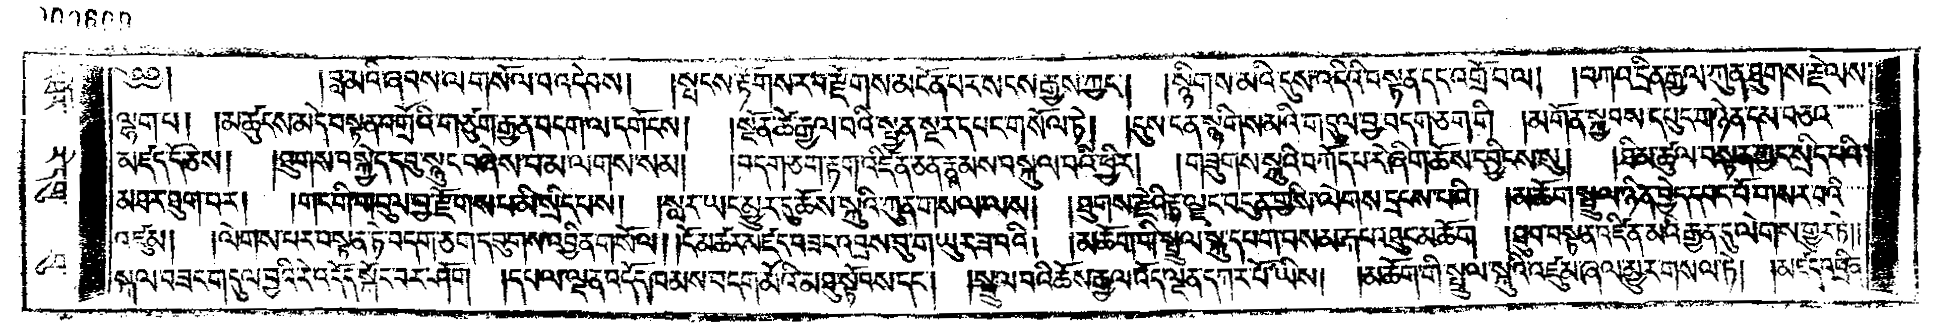༄༅། །བླ་མའི་ཞབས་ལ་གསོལ་བ་འདེབས། །སྤངས་རྟོགས་རབ་རྫོགས་མངོན་པར་སངས་རྒྱས་ཀྱང་། །སྙིགས་མའི་དུས་འདིའི་བསྟན་དང་འགྲོ་བ་ལ། །བཀའ་དྲིན་རྒྱལ་ཀུན་ཐུགས་རྗེ་ལས་
ལྷག་པ། །མཚུངས་མེད་བསྟན་འགྲོའི་གཙུག་རྒྱན་བདག་ལ་དགོངས། །སྔོན་ཚེ་རྒྱལ་བའི་སྤྱན་སྔར་དབང་གསོལ་ཏེ། །དུས་ངན་སྙིགས་མའི་གདུལ་བྱ་བདག་ཅག་གི །མགོན་སྐྱབས་དཔུང་གཉེན་དམ་བཅའ་
མཛད་དོ་ཅེས། །ཐུགས་བསྐྱེད་དབུ་སྙུང་བཞེས་བ་མ་ལགས་སམ། །བདག་ཅག་རྟག་འཛིན་ཅན་རྣམས་བསྐུལ་བའི་ཕྱིར། །གཟུགས་སྐུའི་བཀོད་པ་རེ་ཞིག་ཆོས་དབྱིངས་སུ། །ཐིམ་ཚུལ་བསྟན་ཀྱང་སྲིད་པའི་
མཐར་ཐུག་བར། །གང་གི་གདུལ་བྱ་རྫོགས་པ་མི་སྲིད་པས། །སླར་ཡང་མྱུར་དུ་ཆོས་སྐུའི་ཀུན་གསལ་ལས། །ཐུགས་རྗེའི་རྟ་ལྗང་བདུན་གྱིས་ལེགས་དྲངས་པའི། །མཆོག་སྤྲུལ་ཉིན་བྱེད་དབང་པོ་གསར་བའི་
འཛུམ། །ལེགས་པར་བསྟན་ཏེ་བདག་ཅག་དབུགས་འབྱིན་གསོལ། །ངོ་མཚར་མཛད་བཟང་འབྲས་བུ་གཡུར་ཟ་བའི། །མཆོག་གི་སྤྲུལ་སྐུ་དཔག་བསམ་རྐང་འཐུང་མཆོག །ཐུབ་བསྟན་འཛིན་མའི་རྒྱན་དུ་ལེགས་གྱུར་ཏེ། །
སྐལ་བཟང་གདུལ་བྱའི་རེ་འདོད་སྐོང་བར་ཤོག །དཔལ་ལྡན་འདོད་ཁམས་བདག་མོའི་མཐུ་སྟོབས་དང་། །སྤྲུལ་པའི་ཆོས་རྒྱལ་འོད་ལྡན་དཀར་པོ་ཡིས། །མཆོག་གི་སྤྲུལ་སྐུའི་འཛུམ་ཞལ་མྱུར་གསལ་ཏེ། །མཛད་འཕྲིན་